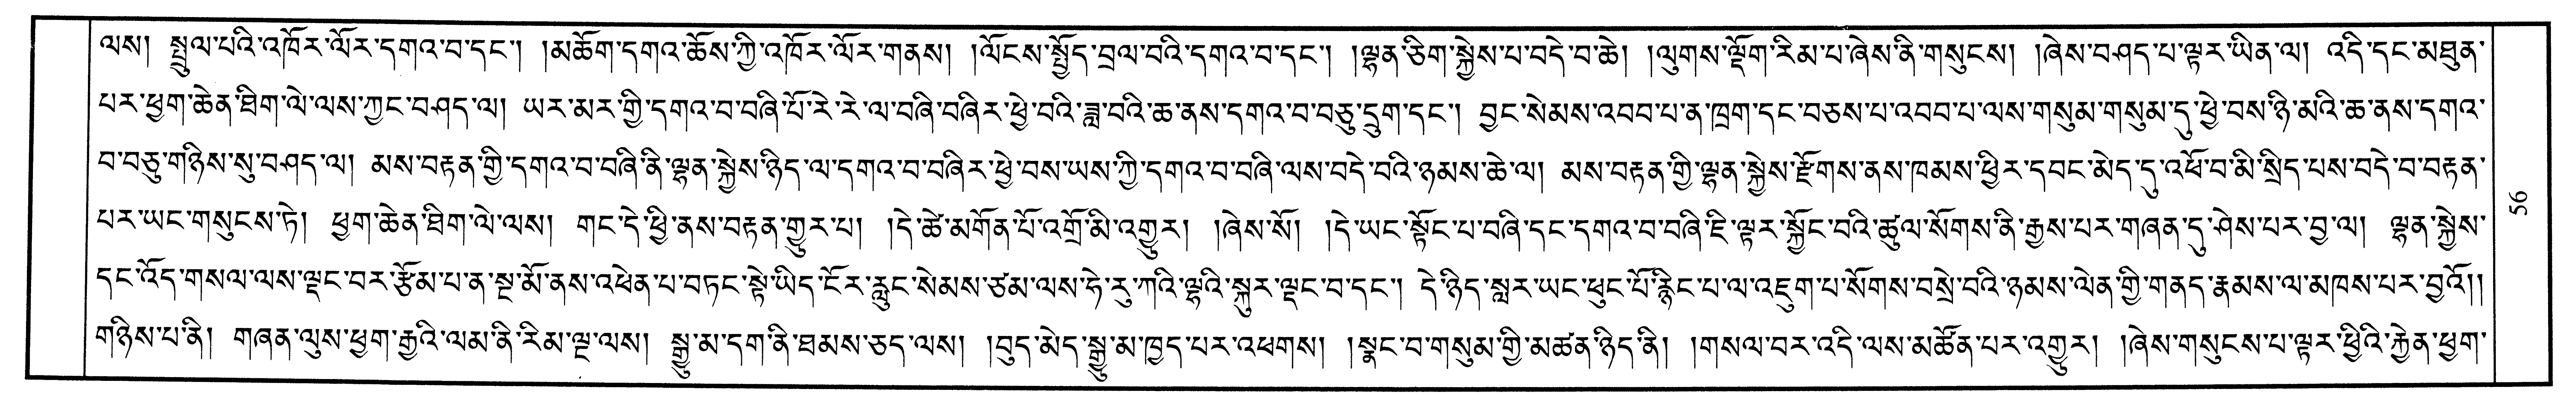ལས། སྤྲུལ་པའི་འཁོར་ལོར་དགའ་བ་དང་། །མཆོག་དགའ་ཆོས་ཀྱི་འཁོར་ལོར་གནས། །ལོངས་སྤྱོད་བྲལ་བའི་དགའ་བ་དང་། །ལྷན་ཅིག་སྐྱེས་པ་བདེ་བ་ཆེ། །ལུགས་ལྡོག་རིམ་པ་ཞེས་ནི་གསུངས། །ཞེས་བཤད་པ་ལྟར་ཡིན་ལ། འདི་དང་མཐུན་
པར་ཕྱག་ཆེན་ཐིག་ལེ་ལས་ཀྱང་བཤད་ལ། ཡར་མར་གྱི་དགའ་བ་བཞི་པོ་རེ་རེ་ལ་བཞི་བཞིར་ཕྱེ་བའི་ཟླ་བའི་ཆ་ནས་དགའ་བ་བཅུ་དྲུག་དང་། བྱང་སེམས་འབབ་པ་ན་ཁྲག་དང་བཅས་པ་འབབ་པ་ལས་གསུམ་གསུམ་དུ་ཕྱེ་བས་ཉི་མའི་ཆ་ནས་དགའ་
བ་བཅུ་གཉིས་སུ་བཤད་ལ། མས་བརྟན་གྱི་དགའ་བ་བཞི་ནི་ལྷན་སྐྱེས་ཉིད་ལ་དགའ་བ་བཞིར་ཕྱེ་བས་ཡས་ཀྱི་དགའ་བ་བཞི་ལས་བདེ་བའི་ཉམས་ཆེ་ལ། མས་བརྟན་གྱི་ལྷན་སྐྱེས་རྫོགས་ནས་ཁམས་ཕྱིར་དབང་མེད་དུ་འཕོ་བ་མི་སྲིད་པས་བདེ་བ་བརྟན་
པར་ཡང་གསུངས་ཏེ། ཕྱག་ཆེན་ཐིག་ལེ་ལས། གང་དེ་ཕྱི་ནས་བརྟན་གྱུར་པ། །དེ་ཚེ་མགོན་པོ་འགྲོ་མི་འགྱུར། །ཞེས་སོ། །དེ་ཡང་སྟོང་པ་བཞི་དང་དགའ་བ་བཞི་ཇི་ལྟར་སྐྱོང་བའི་ཚུལ་སོགས་ནི་རྒྱས་པར་གཞན་དུ་ཤེས་པར་བྱ་ལ། ལྷན་སྐྱེས་
དང་འོད་གསལ་ལས་ལྡང་བར་རྩོམ་པ་ན་སྔ་མོ་ནས་འཕེན་པ་བཏང་སྟེ་ཡིད་ངོར་རླུང་སེམས་ཙམ་ལས་ཧེ་རུ་ཀའི་ལྷའི་སྐུར་ལྡང་བ་དང་། དེ་ཉིད་སླར་ཡང་ཕུང་པོ་རྙིང་པ་ལ་འཇུག་པ་སོགས་བསྲེ་བའི་ཉམས་ལེན་གྱི་གནད་རྣམས་ལ་མཁས་པར་བྱའོ།།
གཉིས་པ་ནི། གཞན་ལུས་ཕྱག་རྒྱའི་ལམ་ནི་རིམ་ལྔ་ལས། སྒྱུ་མ་དག་ནི་ཐམས་ཅད་ལས། །བུད་མེད་སྒྱུ་མ་ཁྱད་པར་འཕགས། །སྣང་བ་གསུམ་གྱི་མཚན་ཉིད་ནི། །གསལ་བར་འདི་ལས་མཚོན་པར་འགྱུར། །ཞེས་གསུངས་པ་ལྟར་ཕྱིའི་རྐྱེན་ཕྱག་